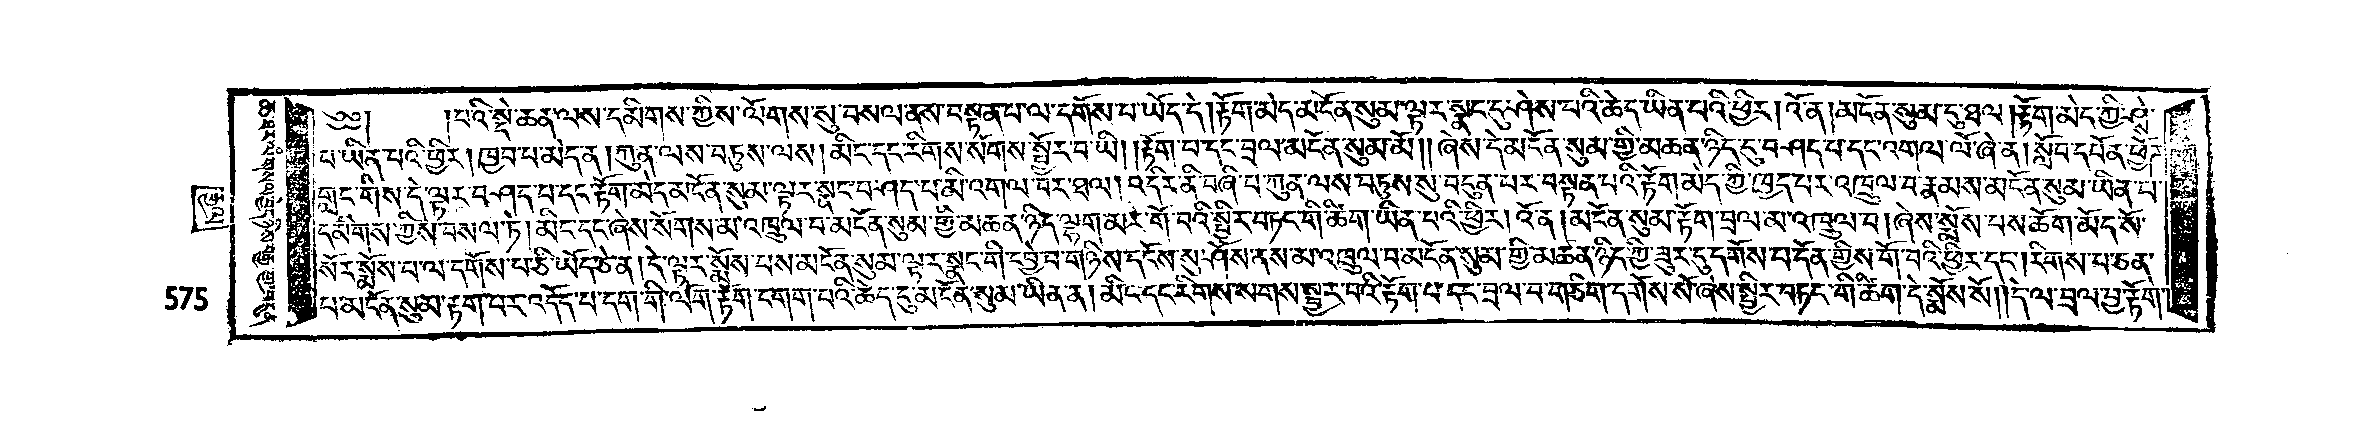༄༅། །པའི་སྡེ་ཆན་ལས་དམིགས་ཀྱིས་ལོགས་སུ་བསལ་ནས་བསྟན་པ་ལ་དགོས་པ་ཡོད་དེ། རྟོག་མེད་མངོན་སུམ་ལྟར་སྣང་དུ་ཤེས་པའི་ཆེད་ཡིན་པའི་ཕྱིར། འོ་ན། མངོན་སུམ་དུ་ཐལ། རྟོག་མེད་ཀྱི་ཤེས་
པ་ཡིན་པའི་ཕྱིར། ཁྱབ་པ་མེད་ན། ཀུན་ལས་བཏུས་ལས། མིང་དང་རིགས་སོགས་སྦྱོར་བ་ཡི། །རྟོག་པ་དང་བྲལ་མངོན་སུམ་མོ། །ཞེས་དེ་མངོན་སུམ་གྱི་མཚན་ཉིད་དུ་བཤད་པ་དང་འགལ་ལོ་ཞེ་ན། སློབ་དཔོན་ཕྱོགས་
གླང་གིས་དེ་ལྟར་བཤད་པ་དང་རྟོག་མེད་མངོན་སུམ་ལྟར་སྣང་བཤད་པ་མི་འགལ་བར་ཐལ། འདིར་ནི་བཞི་པ་ཀུན་ལས་བཏུས་སུ་བདུན་པར་བསྟན་པའི་རྟོག་མེད་ཀྱི་ཁྱད་པར་འཁྲུལ་བ་རྣམས་མངོན་སུམ་ཡིན་པ་
དམིགས་ཀྱིས་བསལ་ཏེ། མིང་དང་ཞེས་སོགས་མ་འཁྲུལ་བ་མངོན་སུམ་གྱི་མཚན་ཉིད་ལྷག་མར་གོ་བའི་སྤྱིར་བཏང་གི་ཚིག་ཡིན་པའི་ཕྱིར། འོ་ན། མངོན་སུམ་རྟོག་བྲལ་མ་འཁྲུལ་བ། ཞེས་སྨོས་པས་ཆོག་མོད་སོ་
སོར་སྨོས་པ་ལ་དགོས་པ་ཅི་ཡོད་ཅེ་ན། དེ་ལྟར་སྨོས་པས་མངོན་སུམ་ལྟར་སྣང་གི་དབྱེ་བ་གཉིས་དངོས་སུ་ཤེས་ནས་མ་འཁྲུལ་བ་མངོན་སུམ་གྱི་མཚན་ཉིད་ཀྱི་ཟུར་དུ་དགོས་པ་དོན་གྱིས་གོ་བའི་ཕྱིར་དང་། རིགས་པ་ཅན་
པ་མངོན་སུམ་རྟག་པར་འདོད་པ་དག་གི་ལོག་རྟོག་དགག་པའི་ཆེད་དུ་མངོན་སུམ་ཡིན་ན། མིང་དང་རིགས་སོགས་སྦྱར་བའི་རྟོག་པ་དང་བྲལ་བ་གཅིག་དགོས་སོ་ཞེས་སྤྱིར་བཏང་གི་ཚིག་དེ་སྨོས་སོ། །དེ་ལ་བྲལ་བྱ་རྟོག་